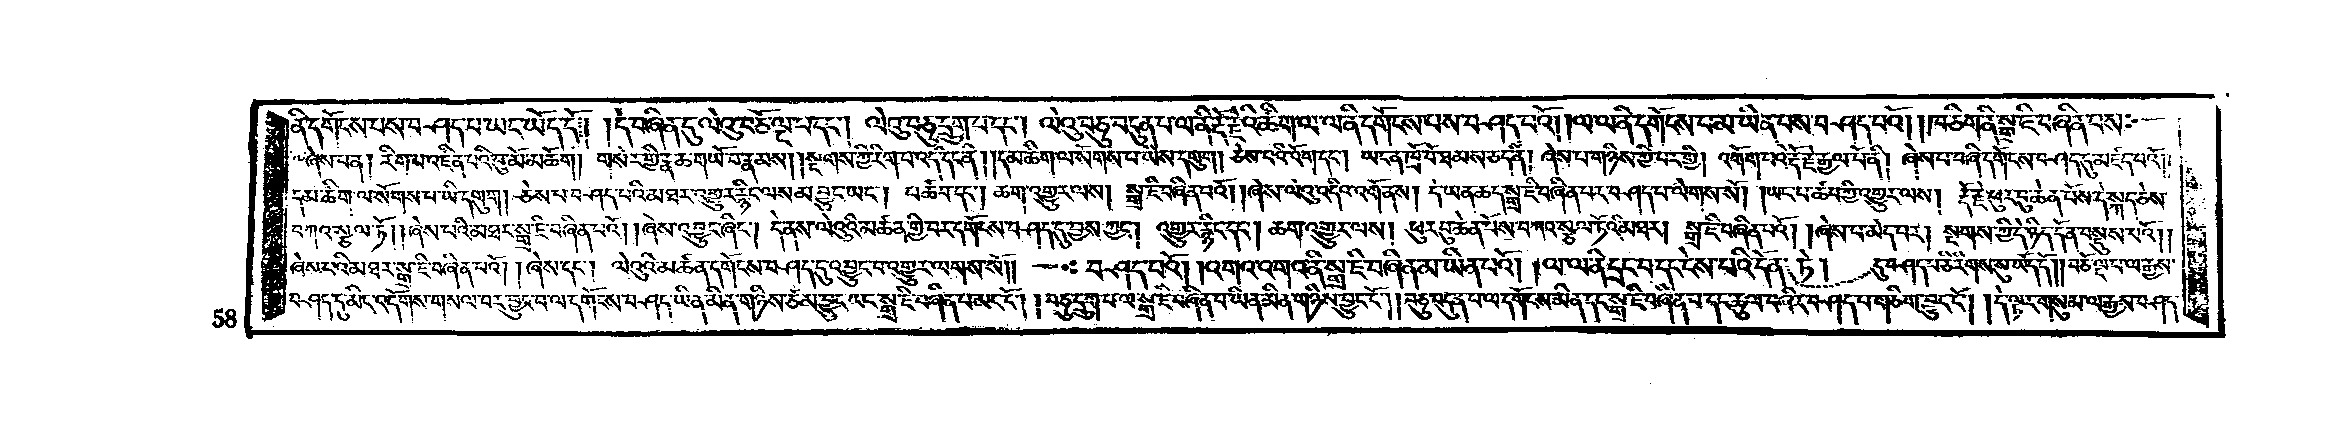ནི་དགོངས་པས་བཤད་པ་ཡང་ཡོད་དོ། །དེ་བཞིན་དུ་ལེའུ་བཅོ་ལྔ་པ་དང་། ལེའུ་བཅུ་དྲུག་པ་དང་། ལེའུ་བཅུ་བདུན་པ་ལ་ནི་རྡོ་རྗེའི་ཚིག་ལ་ལ་ནི་དགོངས་པས་བཤད་པའོ། །ལ་ལ་ནི་དགོངས་པ་མ་ཡིན་པས་བཤད་པའོ། །ཁ་ཅིག་ནི་སྒྲ་ཇི་བཞིན་པསཿ
༧ཞེས་པ་ནི། རིག་པ་འཛིན་པའི་བུ་མོ་མཆོག །གསེར་གྱི་རྣ་ཆ་གཡོ་བ་རྣམས། །སྔགས་ཀྱི་རིག་པ་འདི་དང་ནི། །དམ་ཚིག་ལ་སོགས་པ་ཡིས་དགུག །ཅེས་པའི་འོག་དང་། ཡང་ན་ཁྲོ་བོ་ཐམས་ཅད་ནི། ཞེས་པ་གཉིས་ཀྱི་བར་གྱི། འགོག་པའི་རྡོ་རྗེ་རྒྱལ་པོ་ནི། ཞེས་པ་བཞི་དགོངས་བཤད་དུ་མཛད་པའོ།།
དམ་ཚིག་ལ་སོགས་པ་ཡི་དགུག །ཅེས་པ་བཤད་པའི་མཐར་འགྱུར་རྙིང་ལས་མ་བྱུང་ཡང་། པ་ཚབ་དང་། ཆག་འགྱུར་ལས། སྒྲ་ཇི་བཞིན་པའོ། །ཞེས་ལེའུ་འདིའི་འོག་ནས། དེ་ཡན་ཆད་སྒྲ་ཇི་བཞིན་པར་བཤད་པ་ལེགས་སོ། །ཡང་པ་ཚབ་ཀྱི་འགྱུར་ལས། རྡོ་རྗེ་ཕུར་བུ་ཆེན་པོས་དེ་སྐད་ཅེས་
བཀའ་སྩལ་ཏོ། །ཞེས་པའི་མཐར་སྒྲ་ཇི་བཞིན་པའོ། །ཞེས་འབྱུང་ཞིང་། དེ་ནས་ལེའུ་མཚན་གྱི་བར་དགོངས་བཤད་དུ་བྱས་ཀྱང་། འགྱུར་རྙིང་དང་། ཆག་འགྱུར་ལས། ཕུར་བུ་ཆེན་པོས་བཀའ་སྩལ་ཏོའི་མཐར། སྒྲ་ཇི་བཞིན་པའོ། །ཞེས་པ་མེད་པར། སྔགས་ཀྱི་དེ་ཉིད་དོན་བསྡུས་པའོ། །
ཞེས་པའི་མཐར་སྒྲ་ཇི་བཞིན་པའོ། །ཞེས་དང་། ལེའུའི་མཚན་དགོངས་བཤད་དུ་འབྱུང་བ་འགྱུར་ལགས་སོ།། .Hབཤད་པའོ། །འགའ་འགའ་ནི་སྒྲ་ཇི་བཞིན་མ་ཡིན་པའོ། །ལ་ལ་ནི་དྲང་བ་དང་ངེས་པའི་དོན་ཏེ། དུ་བཤད་པ་ཅི་རིགས་སུ་ཡོད་དོ། །བཅོ་ལྔ་པ་ལ་རྒྱས་
བཤད་དུ་མིང་འདོགས་གསལ་བར་བྱུང་བ་ལ་དགོངས་བཤད་ཡིན་མིན་གཉིས་ཙམ་བྱུང་ཡང་སྒྲ་ཇི་བཞིན་པ་མང་ངོ། །བཅུ་དྲུག་པ་ལ་སྒྲ་ཇི་བཞིན་པ་ཡིན་མིན་གཉིས་བྱུང་ངོ། །བཅུ་བདུན་པ་ལ་དགོངས་མིན་དང་སྒྲ་ཇི་བཞིན་པ་དང་ཚུལ་བཞིར་བཤད་པ་གཅིག་བྱུང་ངོ། །དེ་ལྟར་གསུམ་ལ་རྒྱས་བཤད་